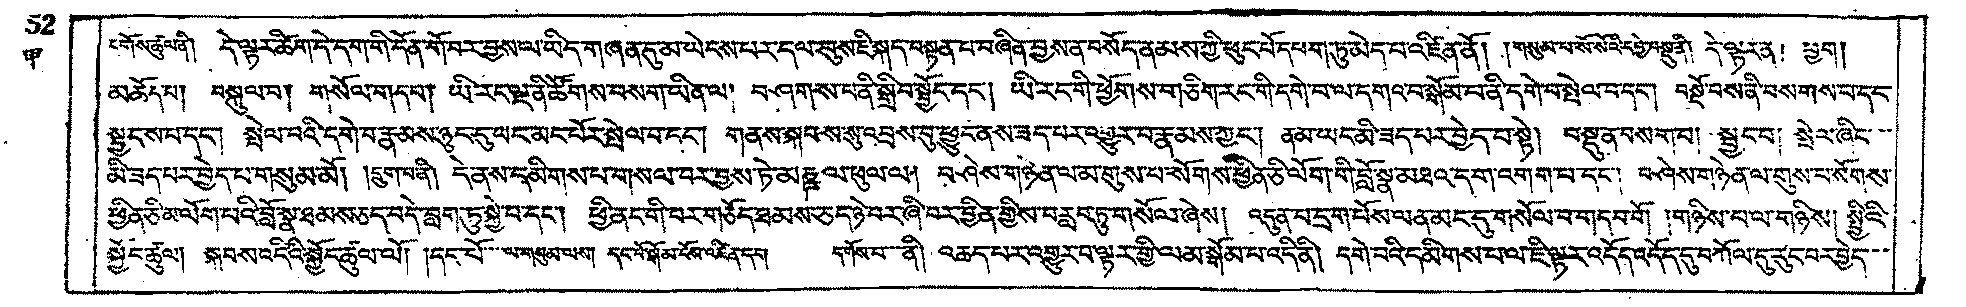དགོས་ཚུལ་ནི། དེ་ལྟར་ཚིག་དེ་དག་གི་དོན་གོ་བར་བྱས་ལ་ཡིད་གཞན་དུ་མ་ཡེངས་པར་དལ་བུས་ཇི་སྐད་བསྟན་པ་བཞིན་བྱས་ན་བསོད་ནམས་ཀྱི་ཕུང་པོ་དཔག་ཏུ་མེད་པ་འཛིན་ནོ། ། གསུམ་པ་སོ་སོའི་དབྱེ་བསྡུ་ནི། དེ་ལྟར་ན། ཕྱག །
མཆོད་པ། བསྐུལ་བ། གསོལ་གདབ། ཡི་རང་ལྔ་ནི་ཚོགས་བསག་ཡིན་ལ། བཤགས་པ་ནི་སྒྲིབ་སྦྱོང་དང་། ཡི་རང་གི་ཕྱོགས་གཅིག་རང་གི་དགེ་བ་ལ་དགའ་བ་སྒོམ་པ་ནི་དགེ་བ་སྤེལ་བ་དང་། བསྔོ་བས་ནི་བསགས་པ་དང་
སྦྱངས་པ་དང་། སྤེལ་བའི་དགེ་བ་རྣམས་ཉུང་དུ་ཡང་མང་པོར་སྤེལ་བ་དང་། གནས་སྐབས་སུ་འབྲས་བུ་ཕྱུང་ནས་ཟད་པར་འགྱུར་བ་རྣམས་ཀྱང་། ནམ་ཡང་མི་ཟད་པར་བྱེད་པ་སྟེ། བསྡུ་ན་བསག་པ། སྦྱང་བ། སྤེལ་ཞིང་
མི་ཟད་པར་བྱེད་པ་གསུམ་མོ། ། དྲུག་པ་ནི། དེ་ནས་དམིགས་པ་གསལ་བར་བྱས་ཏེ་མཎྜལ་ཕུལ་ལ། བཤེས་གཉེན་ལ་མ་གུས་པ་སོགས་ཕྱིན་ཅི་ལོག་གི་བློ་སྣ་མཐའ་དག་འགག་པ་དང་། བཤེས་གཉེན་ལ་གུས་པ་སོགས་
ཕྱིན་ཅི་མ་ལོག་པའི་བློ་སྣ་ཐམས་ཅད་བདེ་བླག་ཏུ་སྐྱེ་བ་དང་། ཕྱི་ནང་གི་བར་གཅོད་ཐམས་ཅད་ཉེ་བར་ཞི་བར་བྱིན་གྱིས་བརླབ་ཏུ་གསོལ་ཞེས། འདུན་པ་དྲག་པོས་ལན་མང་དུ་གསོལ་བ་གདབ་བོ། །གཉིས་པ་ལ་གཉིས། སྤྱིའི་
སྐྱོང་ཚུལ། སྐབས་འདིའི་སྐྱོང་ཚུལ་ལོ། །དང་པོལ་གསུམ་ལས། དང་པོ་སྒོམ་ངོས་འཛིན་དང་། དགོས་པནི། འཆད་པར་འགྱུར་བ་ལྟར་གྱི་ལམ་སྒོམ་པ་འདི་ནི། དགེ་བའི་དམིགས་པ་ལ་ཇི་ལྟར་འདོད་འདོད་དུ་བཀོལ་དུ་རུང་བར་བྱེད་